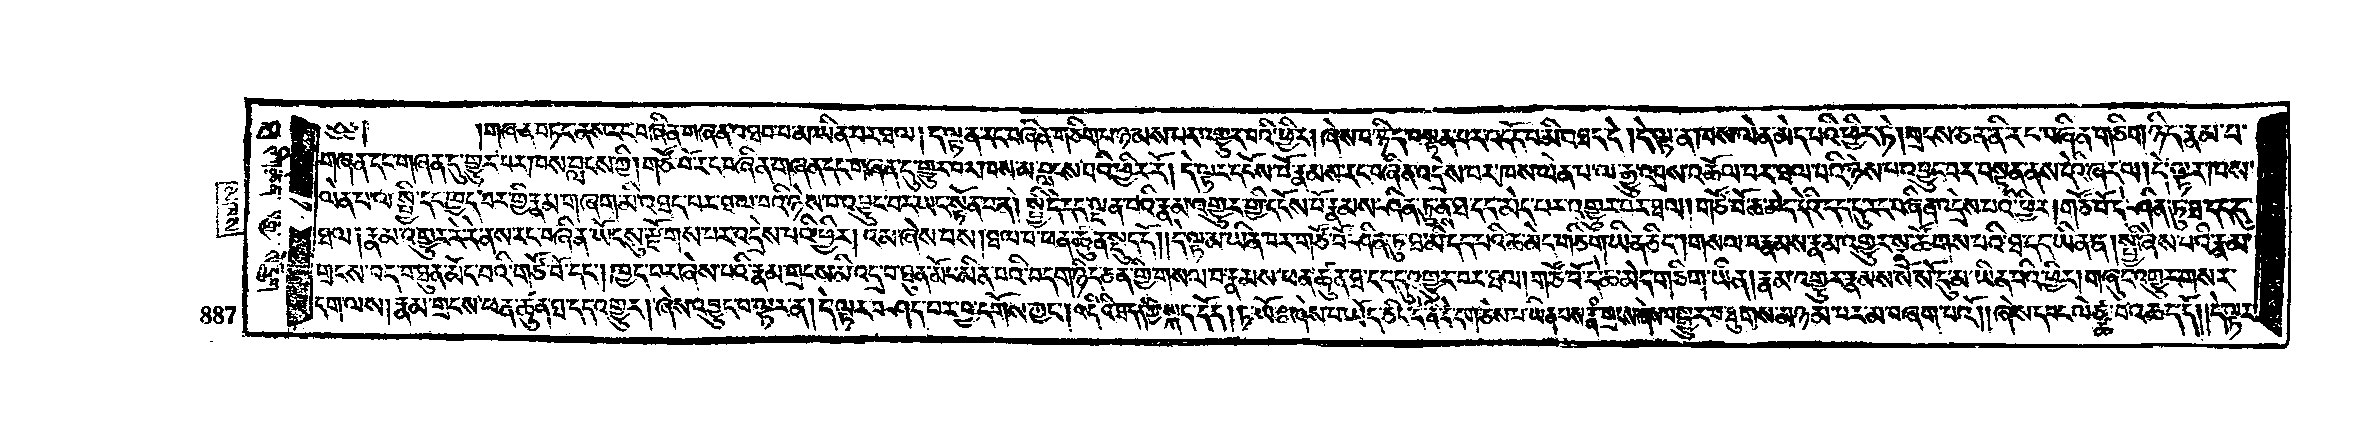༄༅། །གཞན་བཏང་ནས་རང་བཞིན་གཞན་འཐབ་པ་མ་ཡིན་པར་ཐལ། ད་ལྟ་ན་རང་བཞིན་གཅིག་པ་ཉམས་པར་འགྱུར་བའི་ཕྱིར། ཞེས་པ་ཉིད་བསྟན་པར་འདོད་པ་མི་འཐད་དེ། དེ་ལྟ་ན་ཁས་ལེན་མེད་པའི་ཕྱིར་ཏེ། གྲངས་ཅན་ནི་རང་བཞིན་གཅིག་ཉིད་རྣམ་པ་
གཞན་དང་གཞན་དུ་གྱུར་པར་ཁས་བླངས་ཀྱི། གཙོ་བོ་རང་བཞིན་གཞན་དང་གཞན་དུ་གྱུར་བར་ཁས་མ་བློངས་པའི་ཕྱིར་རོ། དེ་ལྟར་དངོས་པོ་རྣམས་རང་བཞིན་འདྲེས་པར་ཁས་ལེན་པ་ལ་རྒྱུ་འབྲས་འཚོལ་བར་ཐལ་པའི་ཉེས་པ་འབྱུང་བར་བསྟན་ནས་དེའི་ཞར་ལ། དེ་ལྟར་ཁས་
ལེན་པ་ལ་སྤྱི་དང་ཁྱད་པ་གྱི་རྣམ་གཞག་མི་འཐད་པར་ཐལ་བའི་ཉེས་པ་འབྱུང་བར་ཡང་སྟོན་པ་ནི། སྤྱི་དེ་དང་ལྡན་པ་རྣམ་འགྱུར་གྱི་དངོས་པོ་རྣམས་ཤིན་ཏུ་ཐ་དད་མེད་པར་འགྱུར་པར་ཐལ། གཙོ་བོ་ཆ་མེད་དེའི་དང་དུ་རང་བཞིན་འདྲེས་པའི་ཕྱིར། གཙོ་བོ་དེ་ཤིན་ཏུ་ཐ་དད་དུ་
ཐལ། རྣམ་འགྱུར་རེ་རེ་ནས་རང་གཞིན་ཡོངས་སུ་རྫོགས་པར་འདྲེས་པའི་ཕྱིར། འམ་ཞེས་པས། ཐལ་པ་ཕན་ཚུན་སྡུད་དོ། །དེ་ལྟ་མ་ཡིན་པར་གཙོ་བོ་ཤིན་ཏུ་ཐ་མི་དད་པའི་ཆ་མེད་གཅིག་ཡིན་ཅིང་། གསལ་བ་རྣམས་རྣམ་འགྱུར་སྣ་ཚོགས་པའི་ཐ་དད་ཡིན་ན། སྤྱི་ཞེས་པའི་རྣམ་
གྲངས་འདི་བ་ཐུན་མོང་བའི་གཙོ་བོ་དང་། ཁྱད་པར་ཞེས་པའི་རྣམ་གྲངས་མི་འདྲ་བ་ཐུན་མོང་མིན་པའི་བདག་ཉིད་ཅན་གྱི་གསལ་བ་རྣམས་ཕན་ཚུན་ཐ་དད་དུ་འགྱུར་བར་ཐལ། གཙོ་བོ་དེ་ཆ་མེད་གཅིག་ཡིན། རྣམ་འགྱུར་རྣམས་སོ་སོ་དུ་མ་ཡིན་པའི་ཕྱིར། གཞུང་འགྱུར་གསར་
དག་ལས། རྣམ་གྲངས་ཕན་ཚུན་ཐ་དད་འགྱུར། ཞེས་འབྱུང་བ་ལྟར་ན། དེ་ལྟར་བཤད་པར་བྱ་དགོས་ཀྱང་། འདིའི་ཐ་དད་ཀྱི་སྐད་དོད། ཏ་ཡོཿཞེས་པ་ཡོད་ཅིང་དེ་ནི་དེ་དག་ཅེས་པ་ཡིན་པས་རྣམ་གྲངས་ཞེས་པ་སྒྱུར་བ་ཐུགས་མཉམ་པར་མ་བཞག་པའོ། །ཞེས་དབང་ལོཙྪ་བ་འཆད་དོ། །དེ་ལྟར་